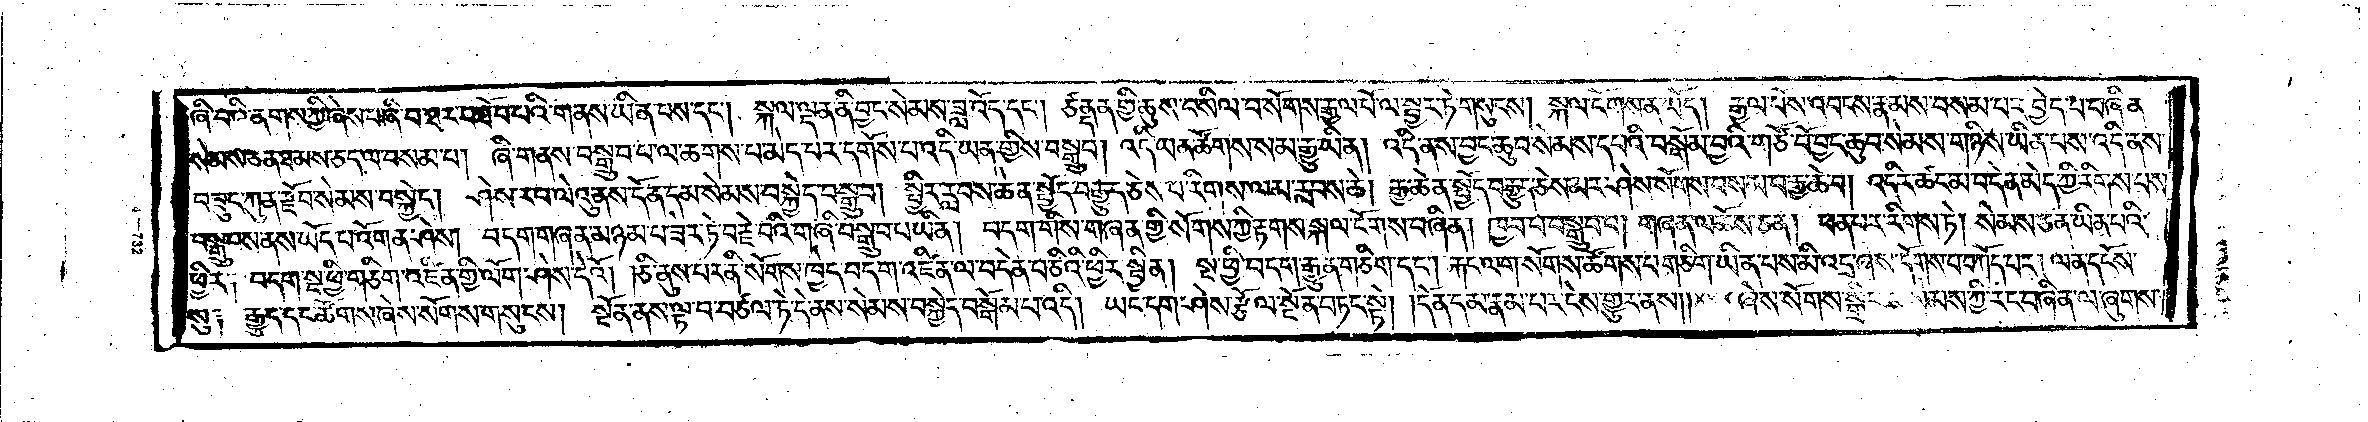ཞི་བའི་ནགས་ཀྱི་ཞེས་པ་ཞི་བ་ཐར་བ་ཐོབ་པའི་གནས་ཡིན་པས་དང་། སྐལ་ལྡན་ནི་བྱང་སེམས་ཟླ་འོད་དང་། ཛན་དན་གྱི་ཆུས་བསིལ་བ་སོགས་རྒྱལ་པོ་ལ་སྦྱར་ཏེ་གསུངས། སྐལ་དོགས་ན་ཡོད། རྒྱལ་པོས་འབངས་རྣམས་བསམ་པར་བྱེད་དཔ་བཞིན་
སེམས་ཅན་ཐམས་ཅད་ལ་བསམ་པ། ཞི་གནས་བསྒྲུབ་པ་ལ་ཆགས་པ་མེད་པར་དགོས་པ་འདི་ཡན་གྱིས་བསྒྲུབ། འདི་ཡན་ཚོགས་སམ་རྒྱུ་ཡིན། འདི་ནས་བྱང་ཆུབ་སེམས་དཔའི་བསྒོམ་བྱའི་གཙོ་བོ་བྱང་ཆུབ་སེམས་གཉིས་ཡིན་པས་འདི་ནས་
བཟུང་ཀུན་རྫོབ་སེམས་བསྐྱེད། ཤེས་རབ་ལེའུ་ནས་དོན་དམ་སེམས་བསྐྱེད་བསྒྲུབ། སྤྱིར་རླབས་ཆེན་སྤྱོད་བརྒྱུད་ཅེས་པ་རིགས་ལམ་རླབས་ཆེ། རྒྱ་ཆེན་སྤྱོད་བརྒྱུད་ཅེས་མར་ཤེས་སོགས་བསམ་བ་རྒྱ་ཆེ་བ། འདིར་ཚང་མ་བདེན་མེད་ཀྱི་རིགས་པས་
བསྒྲུབས་ནས་ཡོད་པ་འོག་ན་ཤེས། བདག་གཞན་མཉམ་པ་ཟེར་ཏེ་བརྗེ་བའི་གཞི་བསྒྲུབ་པ་ཡིན། བདག་གིས་གཞན་གྱི་སོགས་ཀྱི་རྟགས་སྐལ་ངོགས་བཞིན། ཁྱབ་པ་བསྒྲུབ་པ། གཞན་ལ་ཆོས་ཅན། ཕན་པར་རིགས་ཏེ། སེམས་ཅན་ཡིན་པའི་
ཕྱིར༑ བདག་སྔ་ཕྱི་གཅིག་འཛིན་གྱི་ལོག་ཤེས་དེའོ། །ཅི་ནུས་པར་ནི་སོགས་ཁྱེད་བདག་འཛིན་ལ་བདེན་པ་ཅིའི་ཕྱིར་སྦྱིན། སྔ་ཕྱི་བདག་རྒྱུན་གཅིག་དང་། རྐང་ལག་སོགས་ཚོགས་པ་གཅིག་ཡིན་པས་མི་འདྲ་ཞེས་དོགས་པ་བཀོད་པར། ལན་དངོས་
སུ༑ རྒྱུད་དང་ཚོགས་ཞེས་སོགས་གསུངས། སྔོན་ནས་ལྟ་བ་བཙལ་ཏེ་དེ་ནས་སེམས་བསྐྱེད་བསྒོམ་པ་འདི། ཡང་དག་ཤེས་རྩོལ་སྔོན་བཏང་སྟེ། །དོན་དམ་རྣམ་པར་དེས་གྱུར་ནས། །྾་྾་྾་ཞེས་སོགས་སྒྲིབ་པ་སེམས་ཀྱི་རང་བཞིན་ལ་ཞུགས་